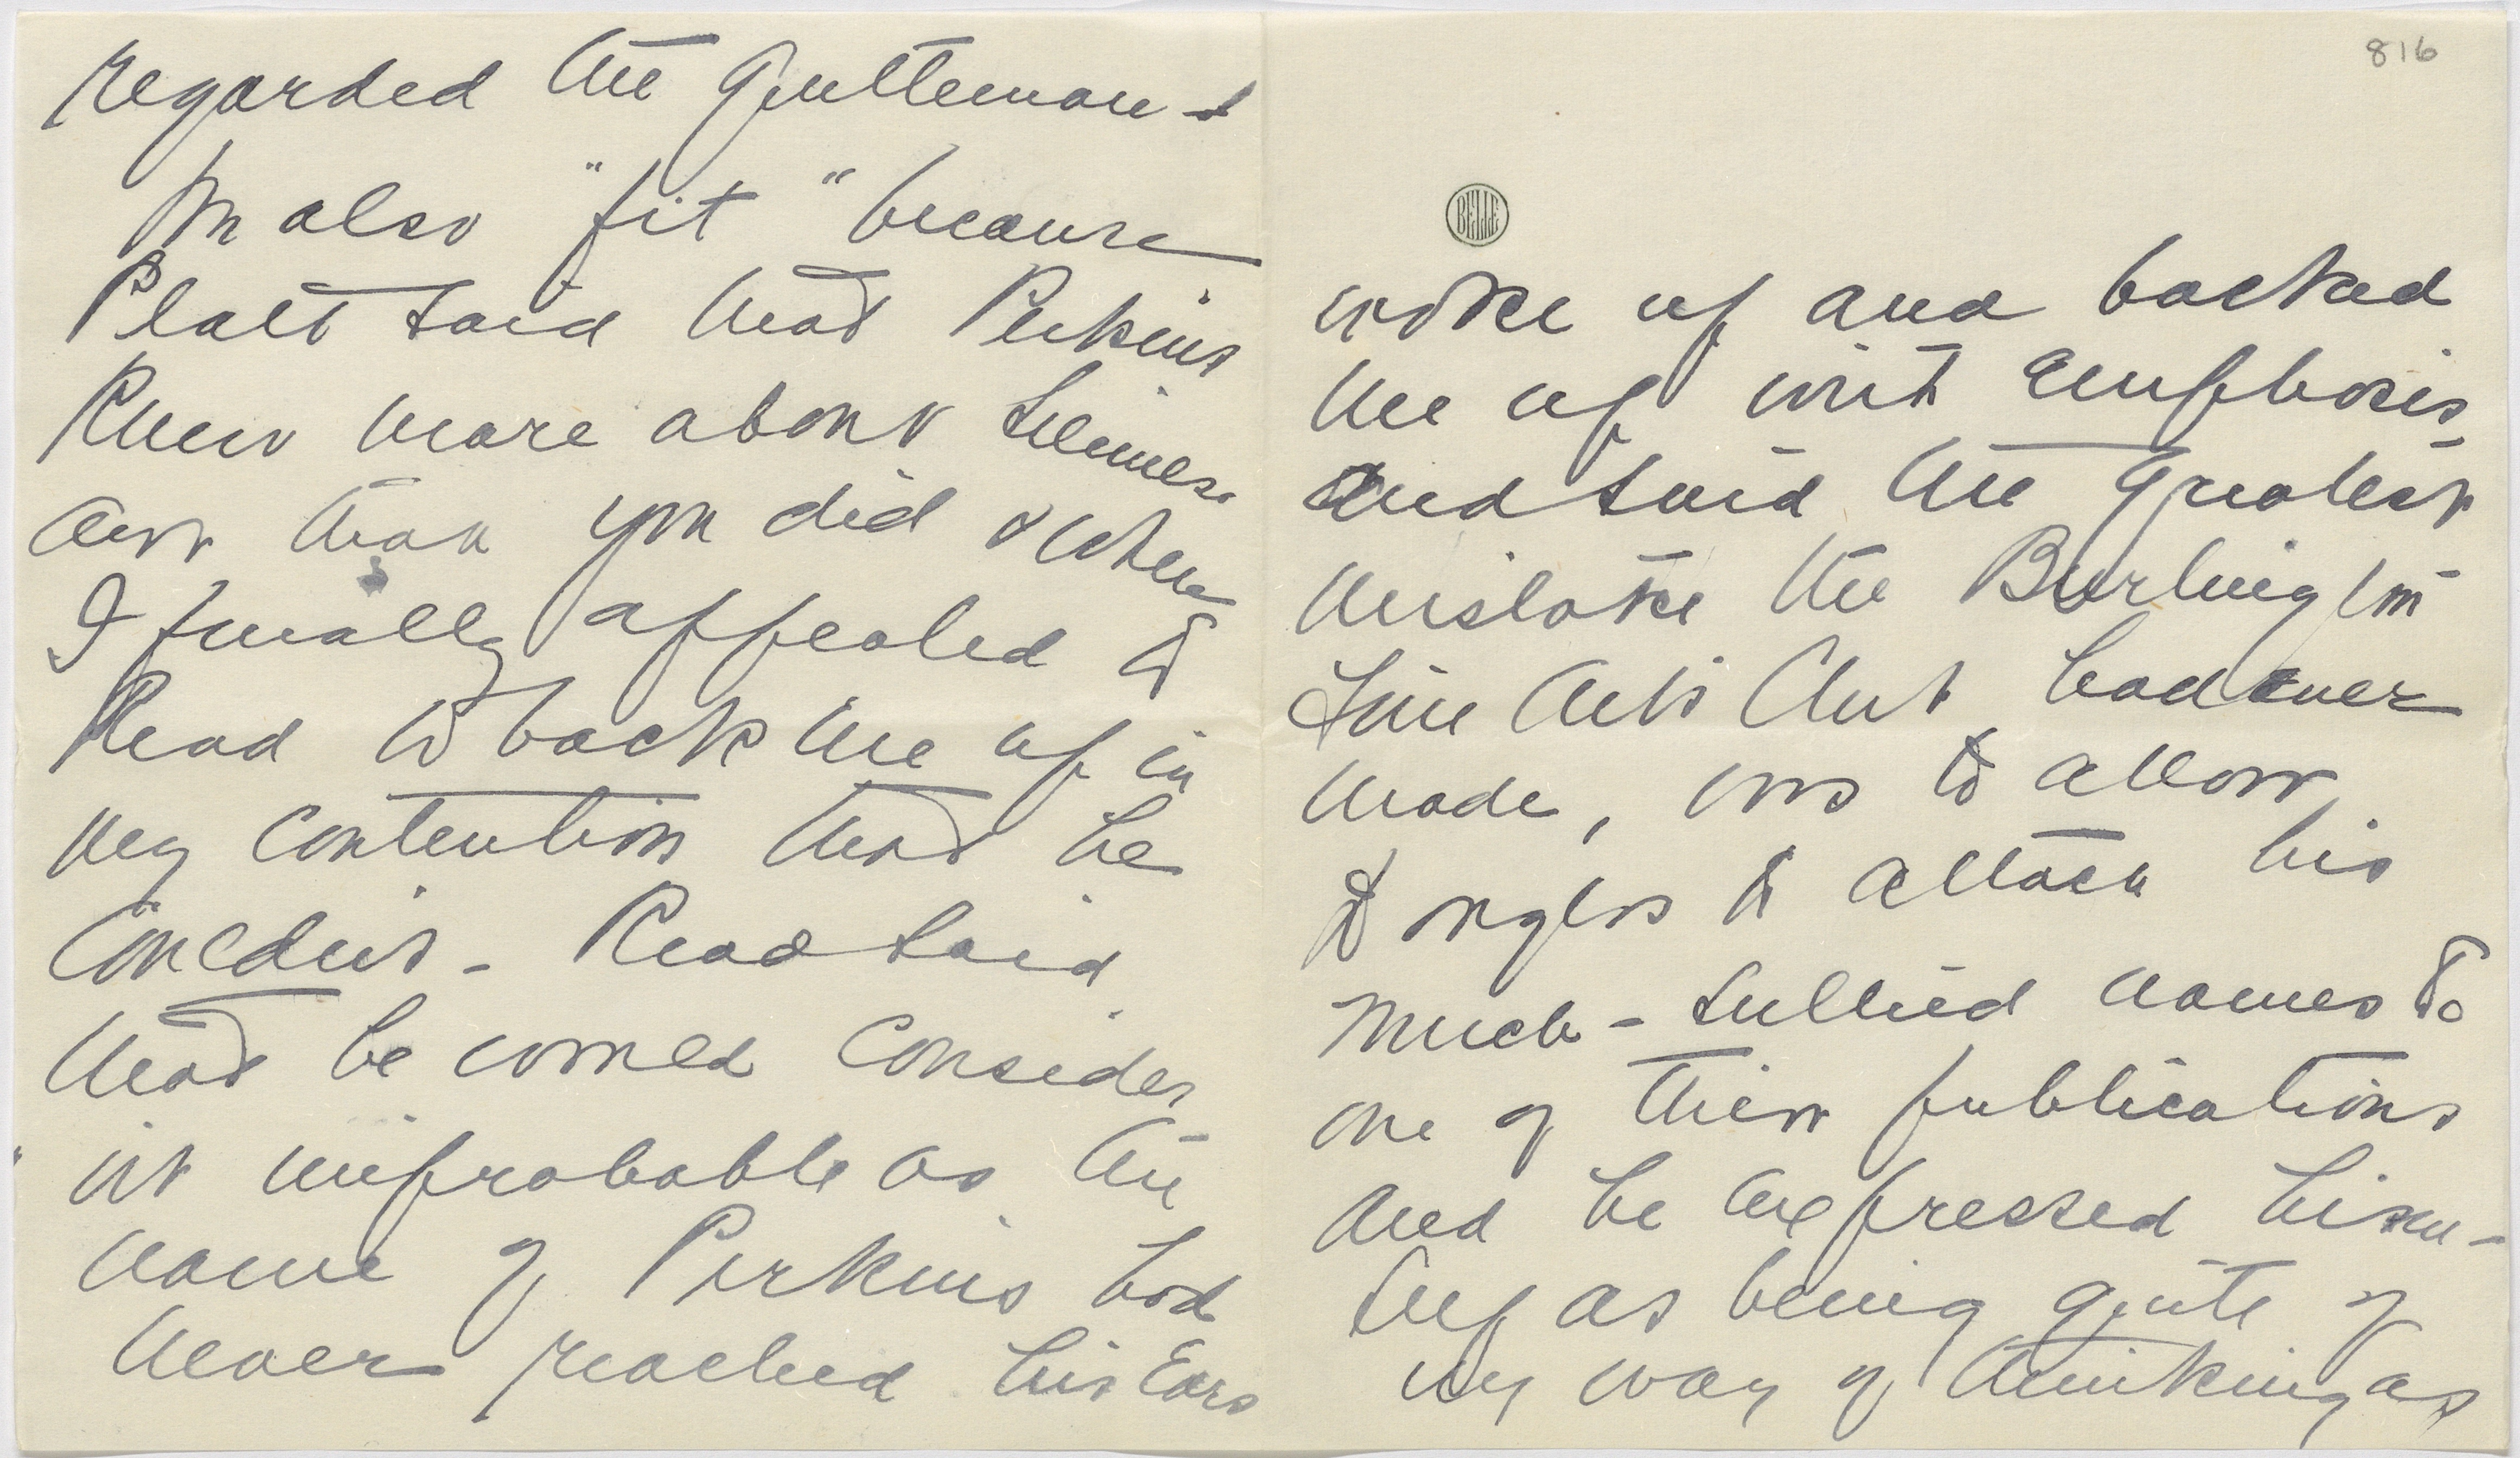woke up and backed me up with emphasis and said the greatest mistake the Burlington Fine Arts Club had ever made, was to allow Douglas to attach his much-sullied names to one of their publications and he expressed himself as being quite of my way of thinking as
regarded the gentleman –
We also “fit” because Platt said that Perkins knew more about Sienese art than you did & when I finally appealed to Read to back me up in my contention that he couldn’t – Read said that he could consider it improbable as the name of Perkins had never reached his ears